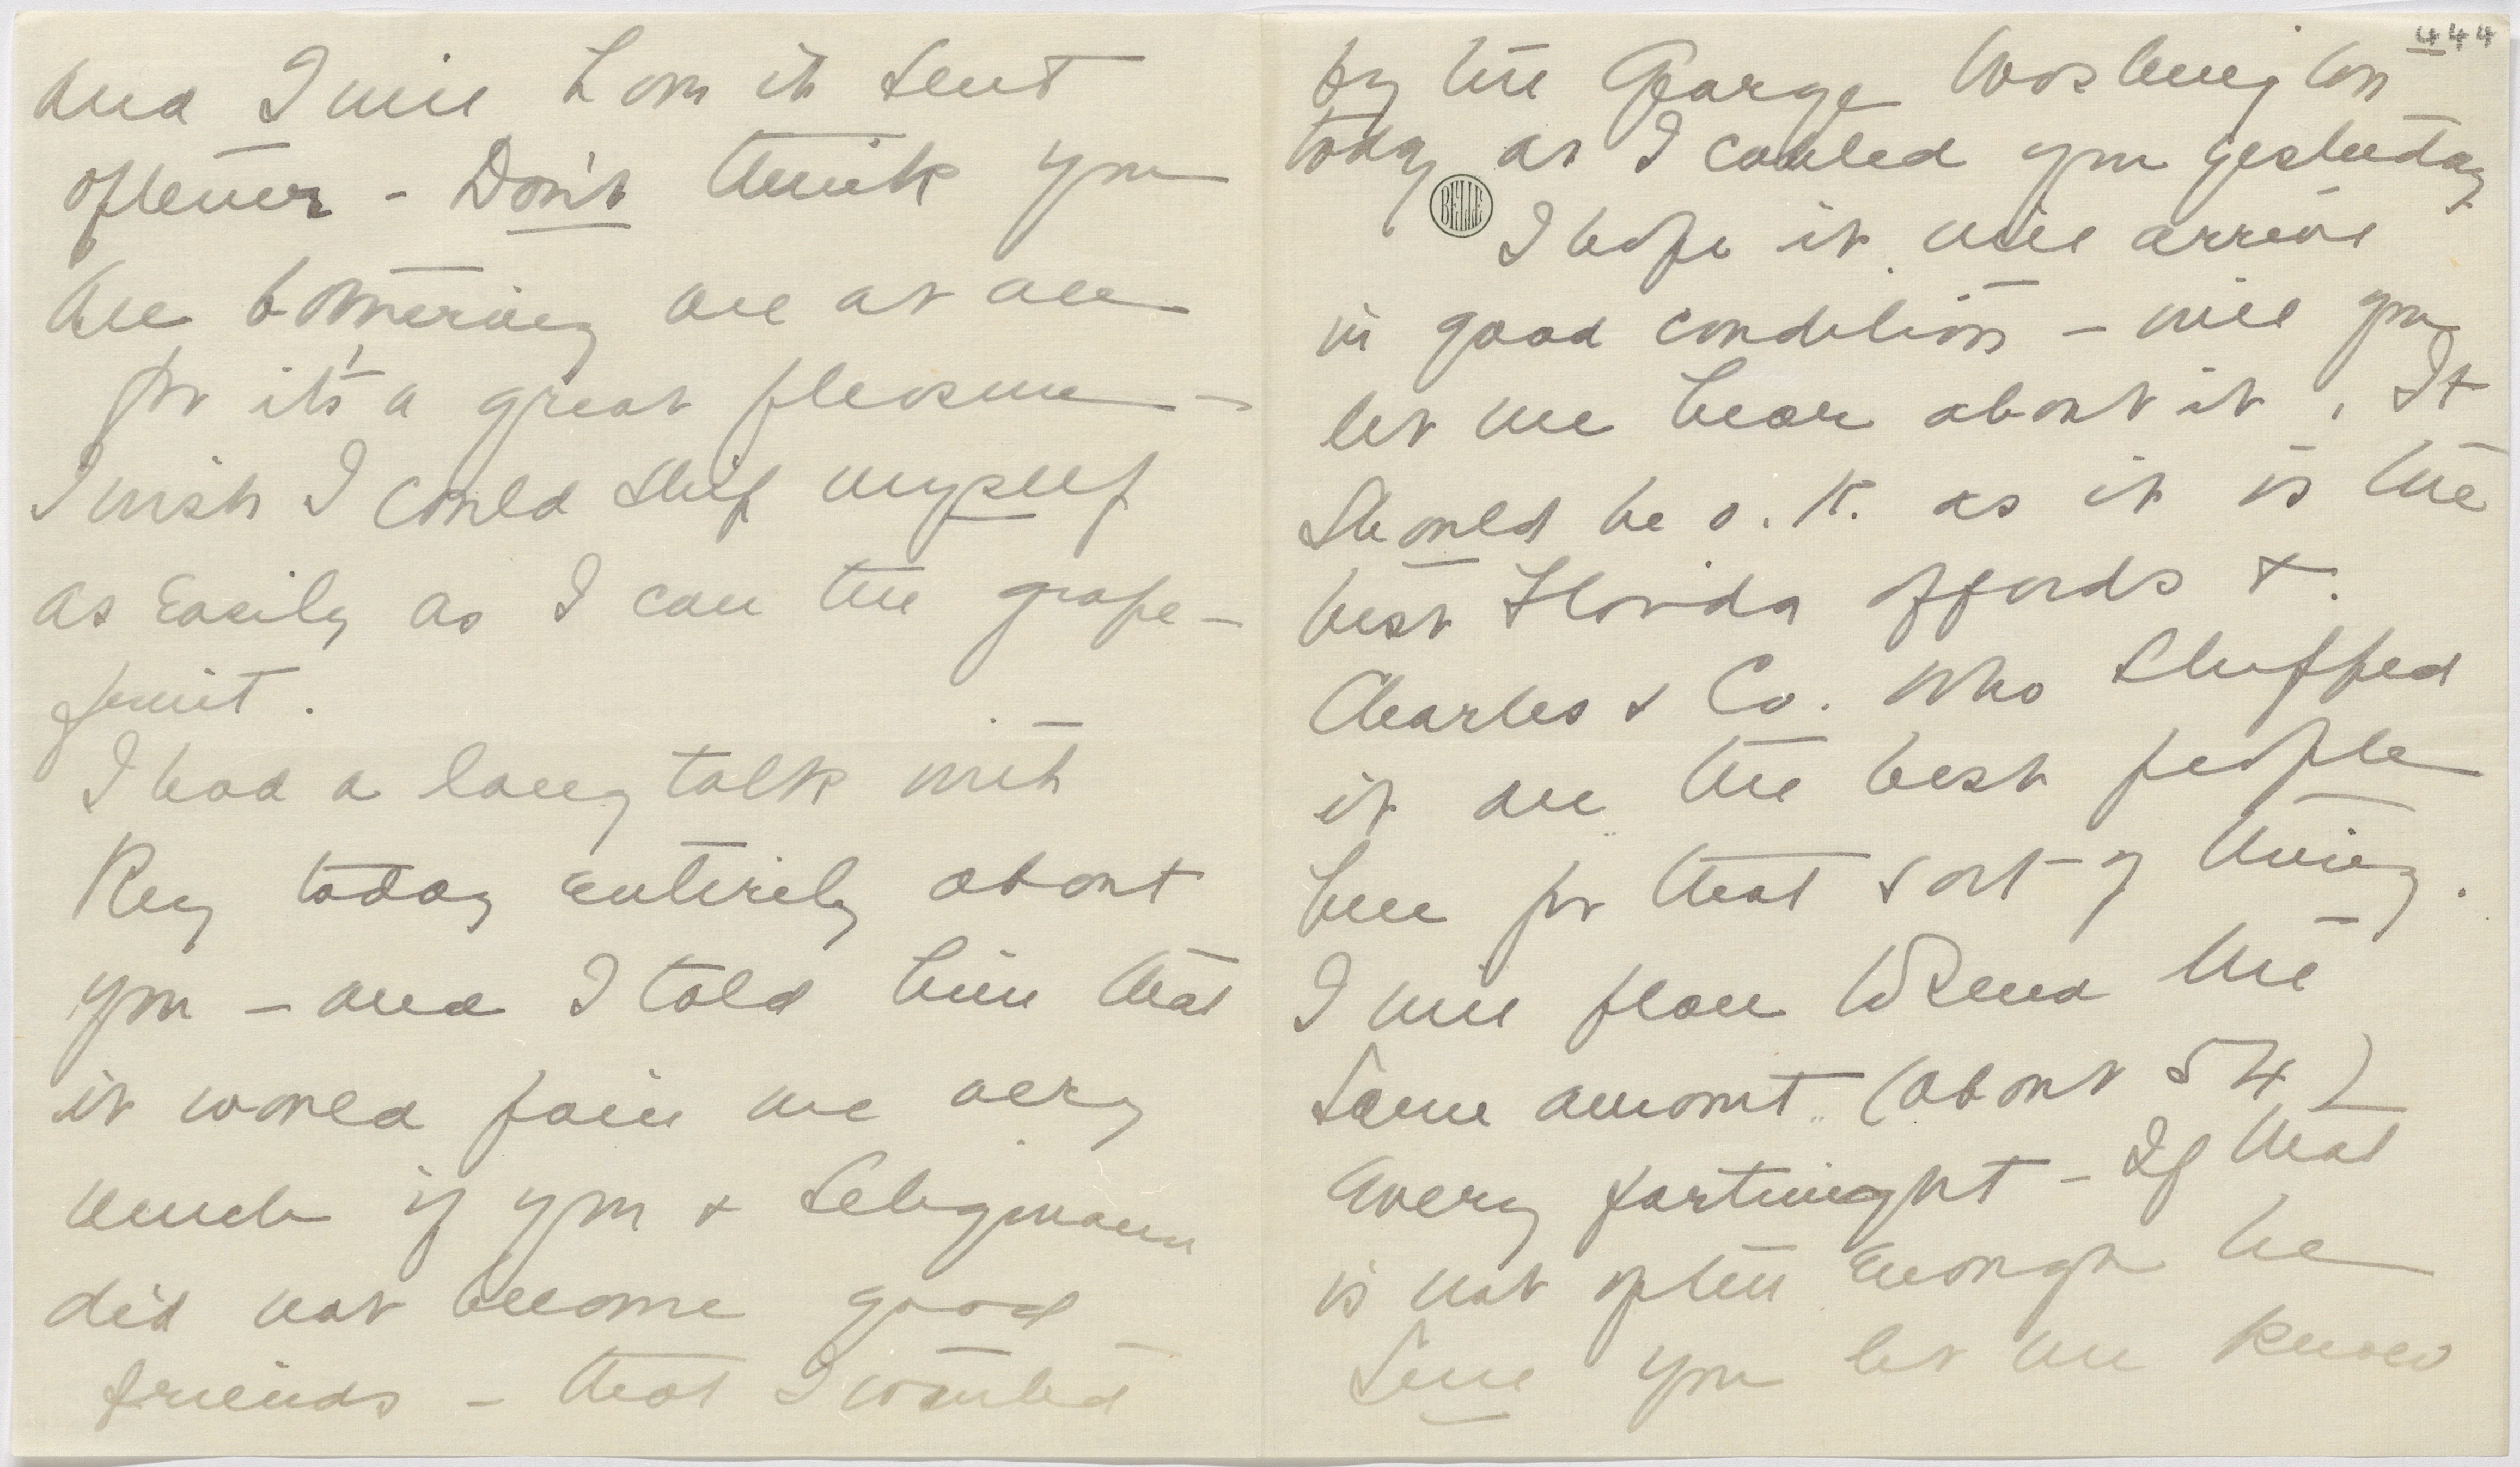by the George Washington today as I cabled you yesterday. I hope it will arrive in good condition – will you let me hear about it, It should be o.k. as it is the best Florida affords & Charles & Co. who shipped it all the best people here for that sort of thing. I will plan to send the same amount (about 54) every fortnight – If that is not often enough be sure you let me know
and I will have it sent oftener – Don’t think you are bothering me at all for it’s a great pleasure – I wish I could ship myself as easily as I can the grapefruit.
I had a long talk with Rey today entirely about you – and I told him that it would pain me very much if you & Seligmann did not become good friends – that I wanted